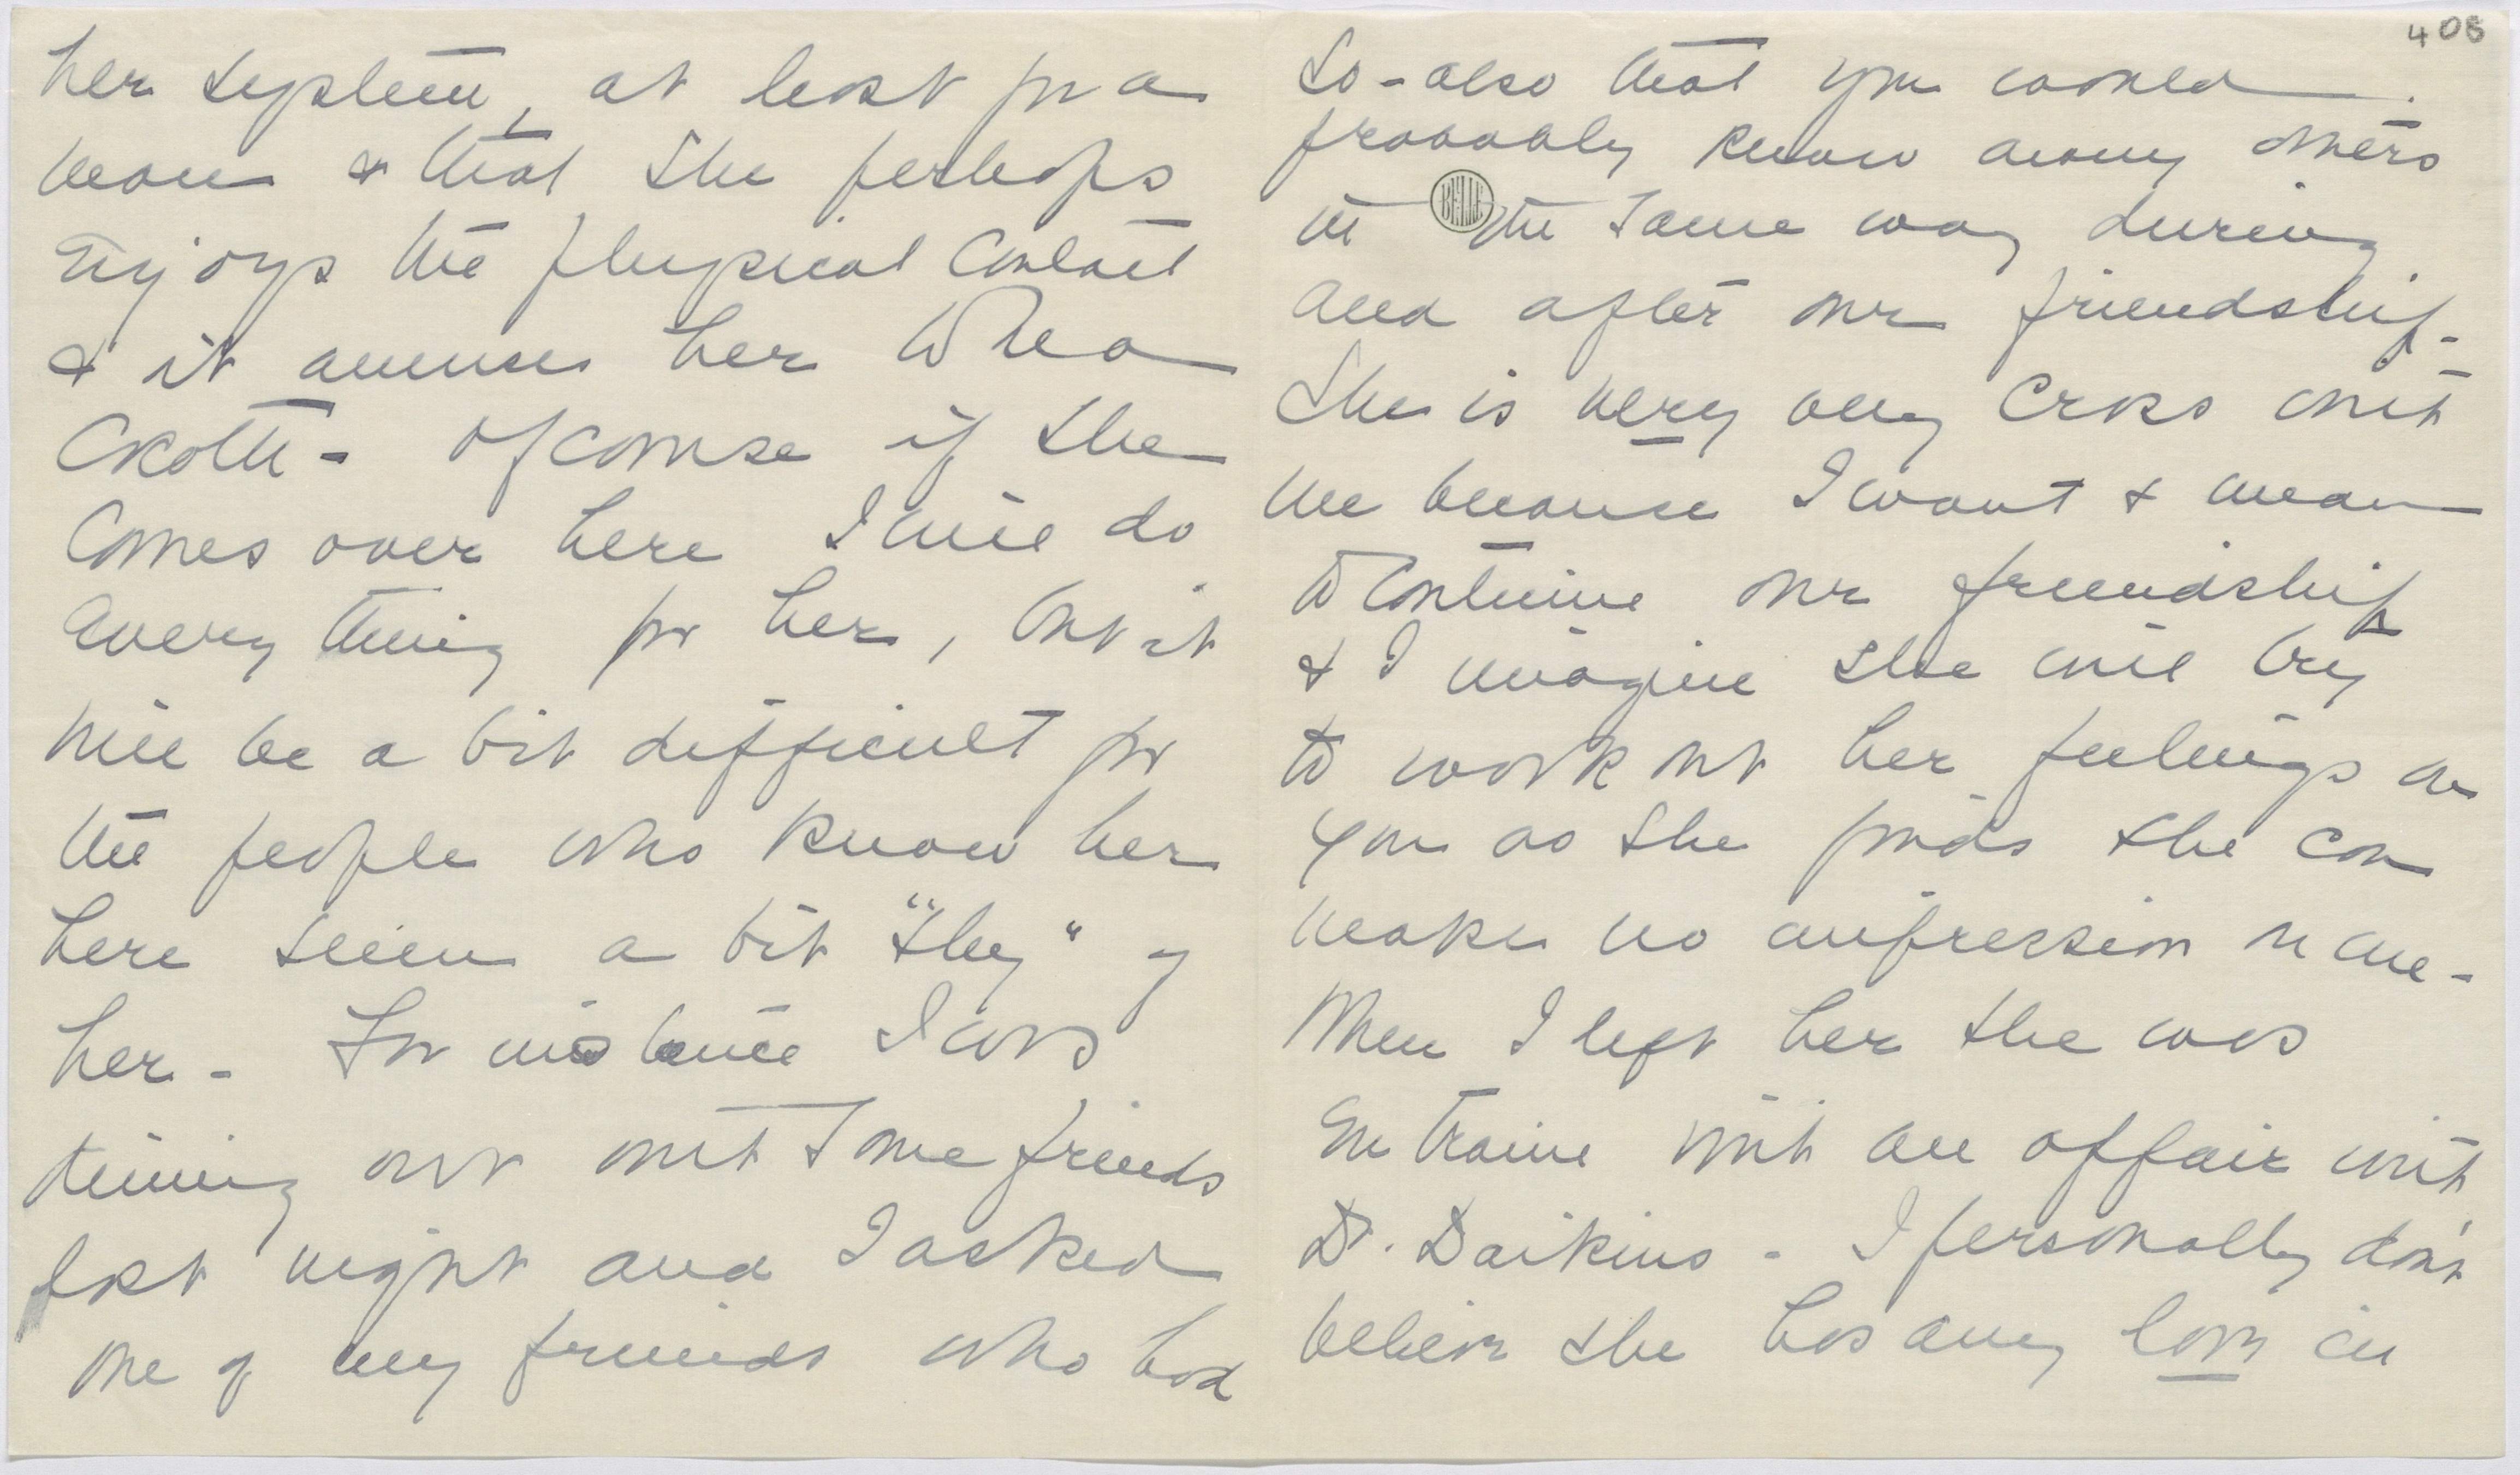So – also that you would probably know many others in the same way during and after our friendship – She is very very cross with me because I want & mean to continue our friendship – & I imagine she will try to work out her feelings on you as she finds she can make no impression on me – When I left her she was en traine with an affair with Dr. Daikins – I personally don’t believe she has any love in
her system at least for a man & that she perhaps enjoys the physical contact & it amuses her to be a cocotte – of course if she comes over here I will do every thing for her, but it will be a bit difficult for the people who know her here seem a bit “shy” of her – For instance I was dining out with some friends last night and I asked one of my friends who had